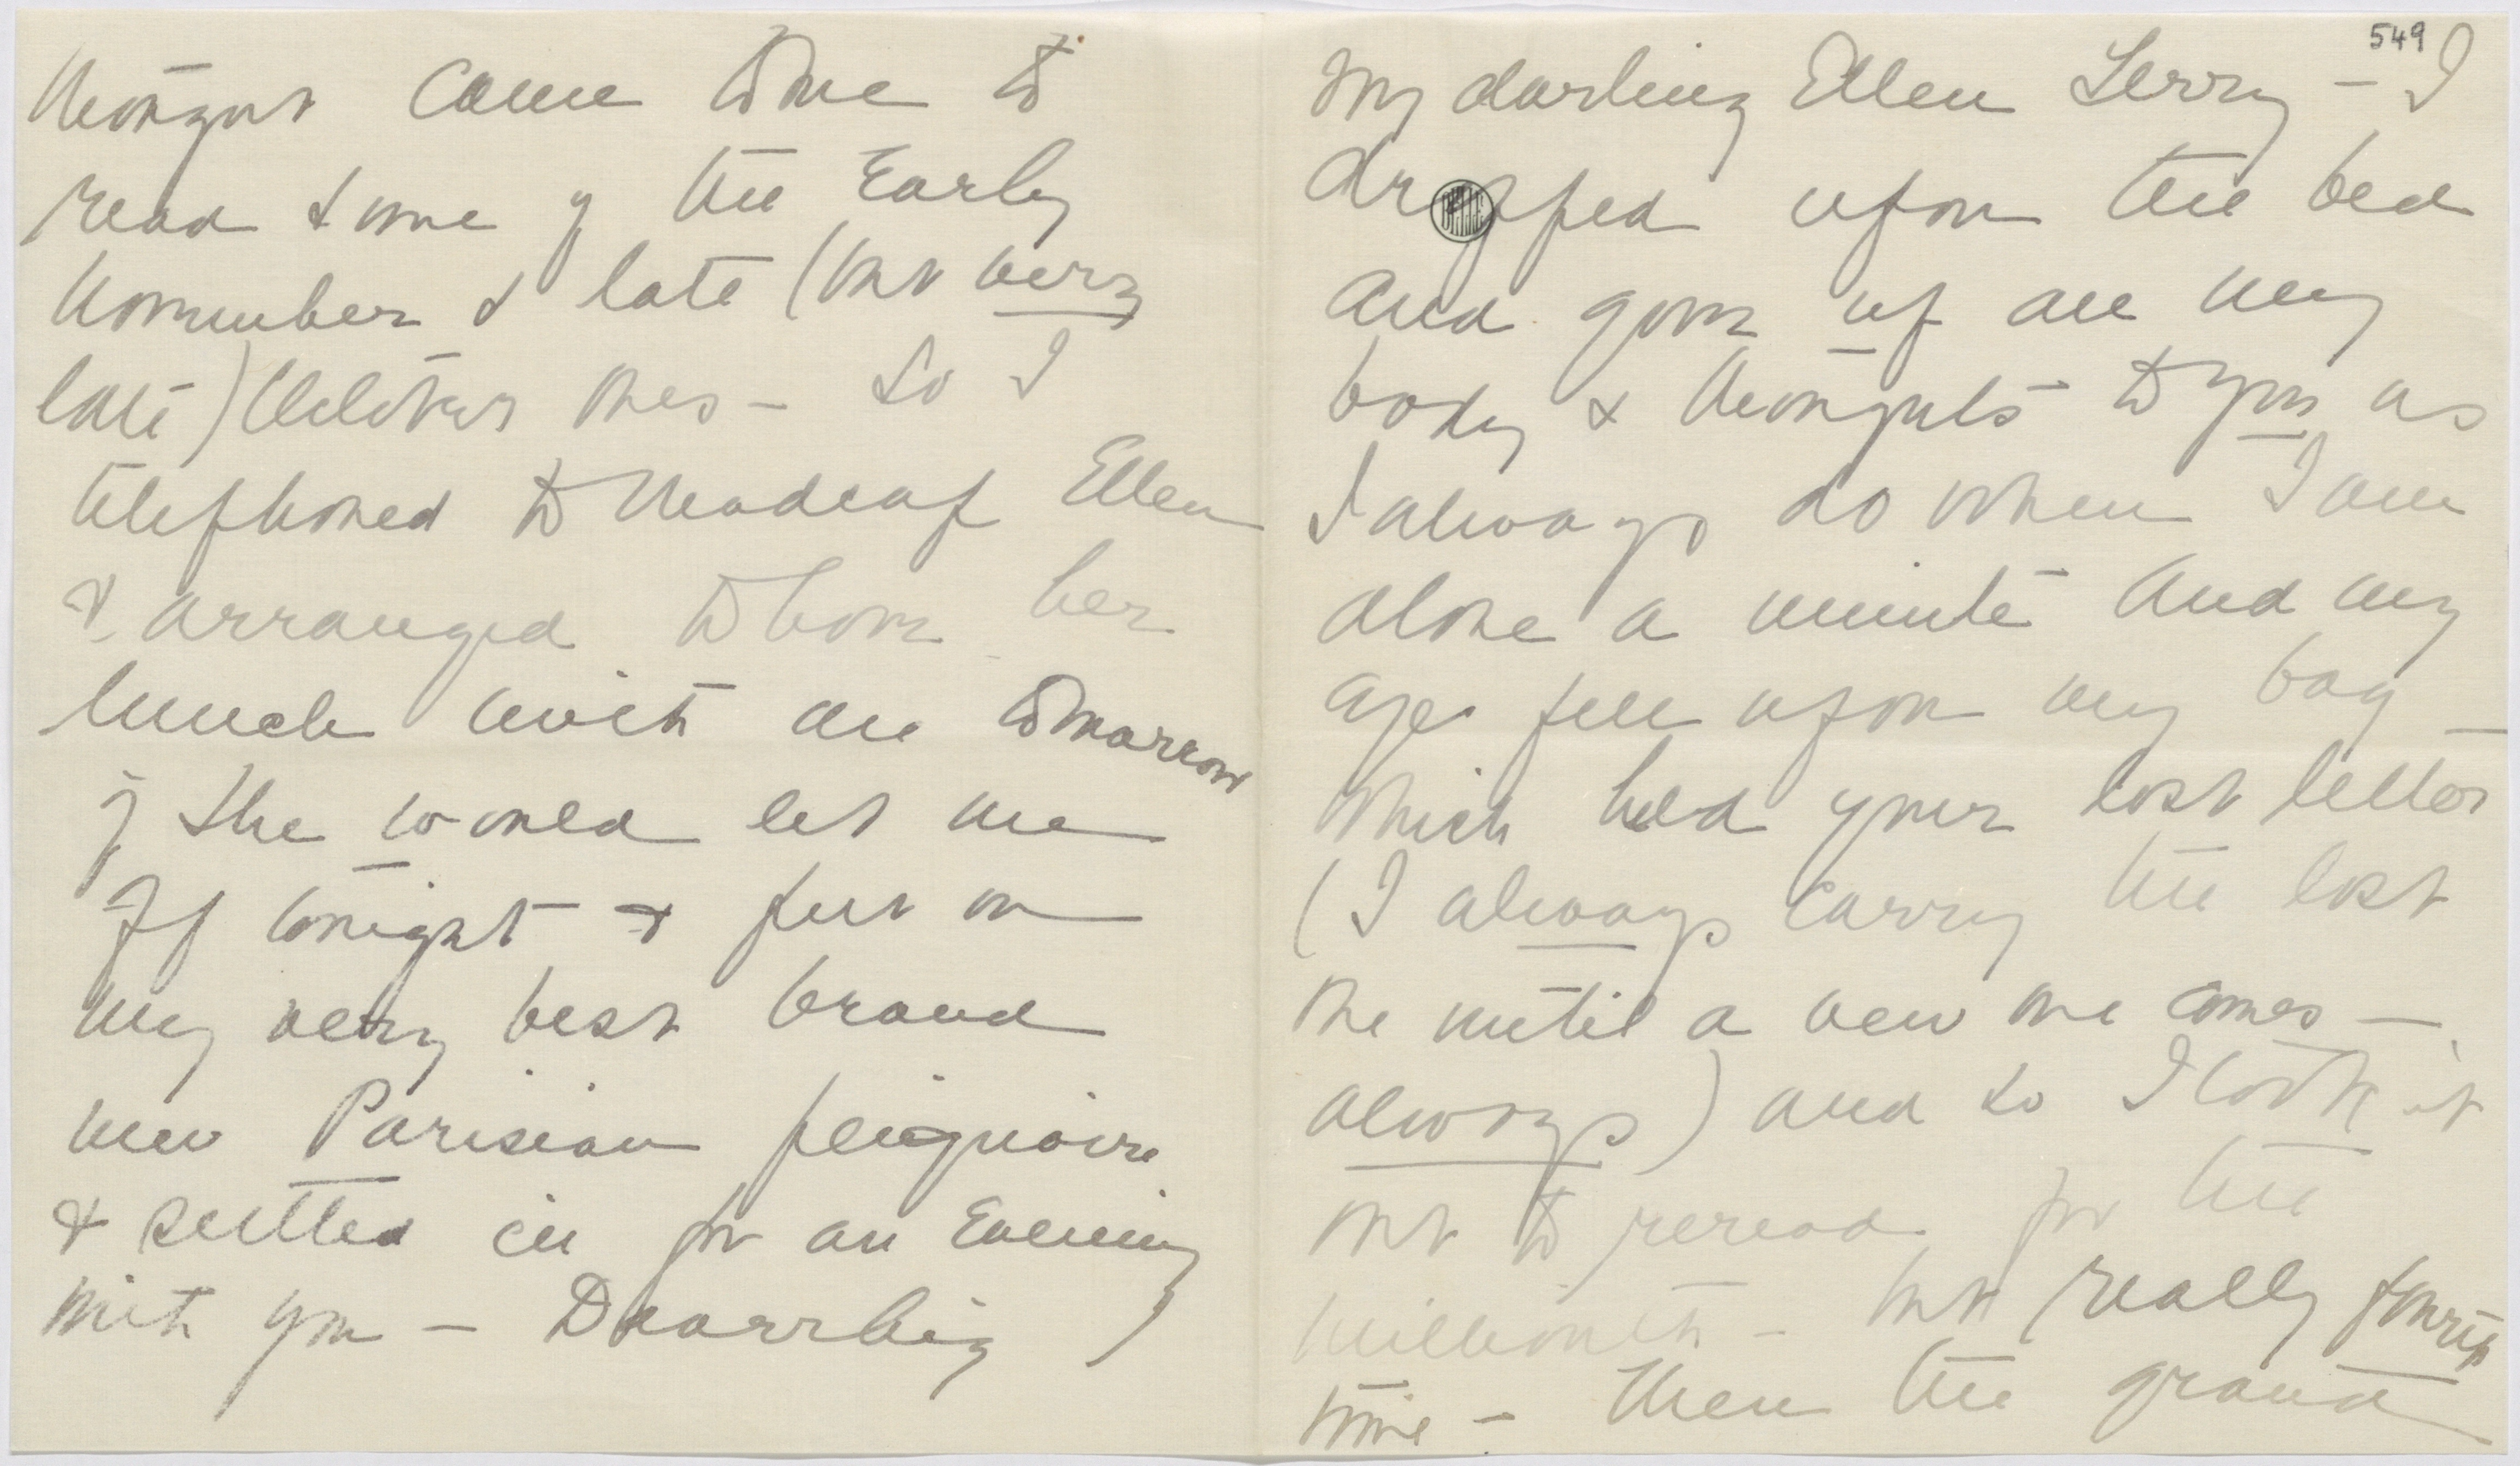my darling Ellen Terry – I dropped upon the bed and gave up all my body & thoughts to you as I always do when I am alone a minute and my eye fell upon my bag which held your last letter (I always carry the last one until a new one comes – always) and so I took it out to reread for the millionth – but really fourth time – Then the grand
thought came to me to read some of the early November & late (but very late) October ones – so I telephoned to Madcap Ellen & arranged to have her lunch with me tomorrow if she would let me off tonight & put on my very best brand new Parisian peignoir & settled in for an evening with you – Daarrling